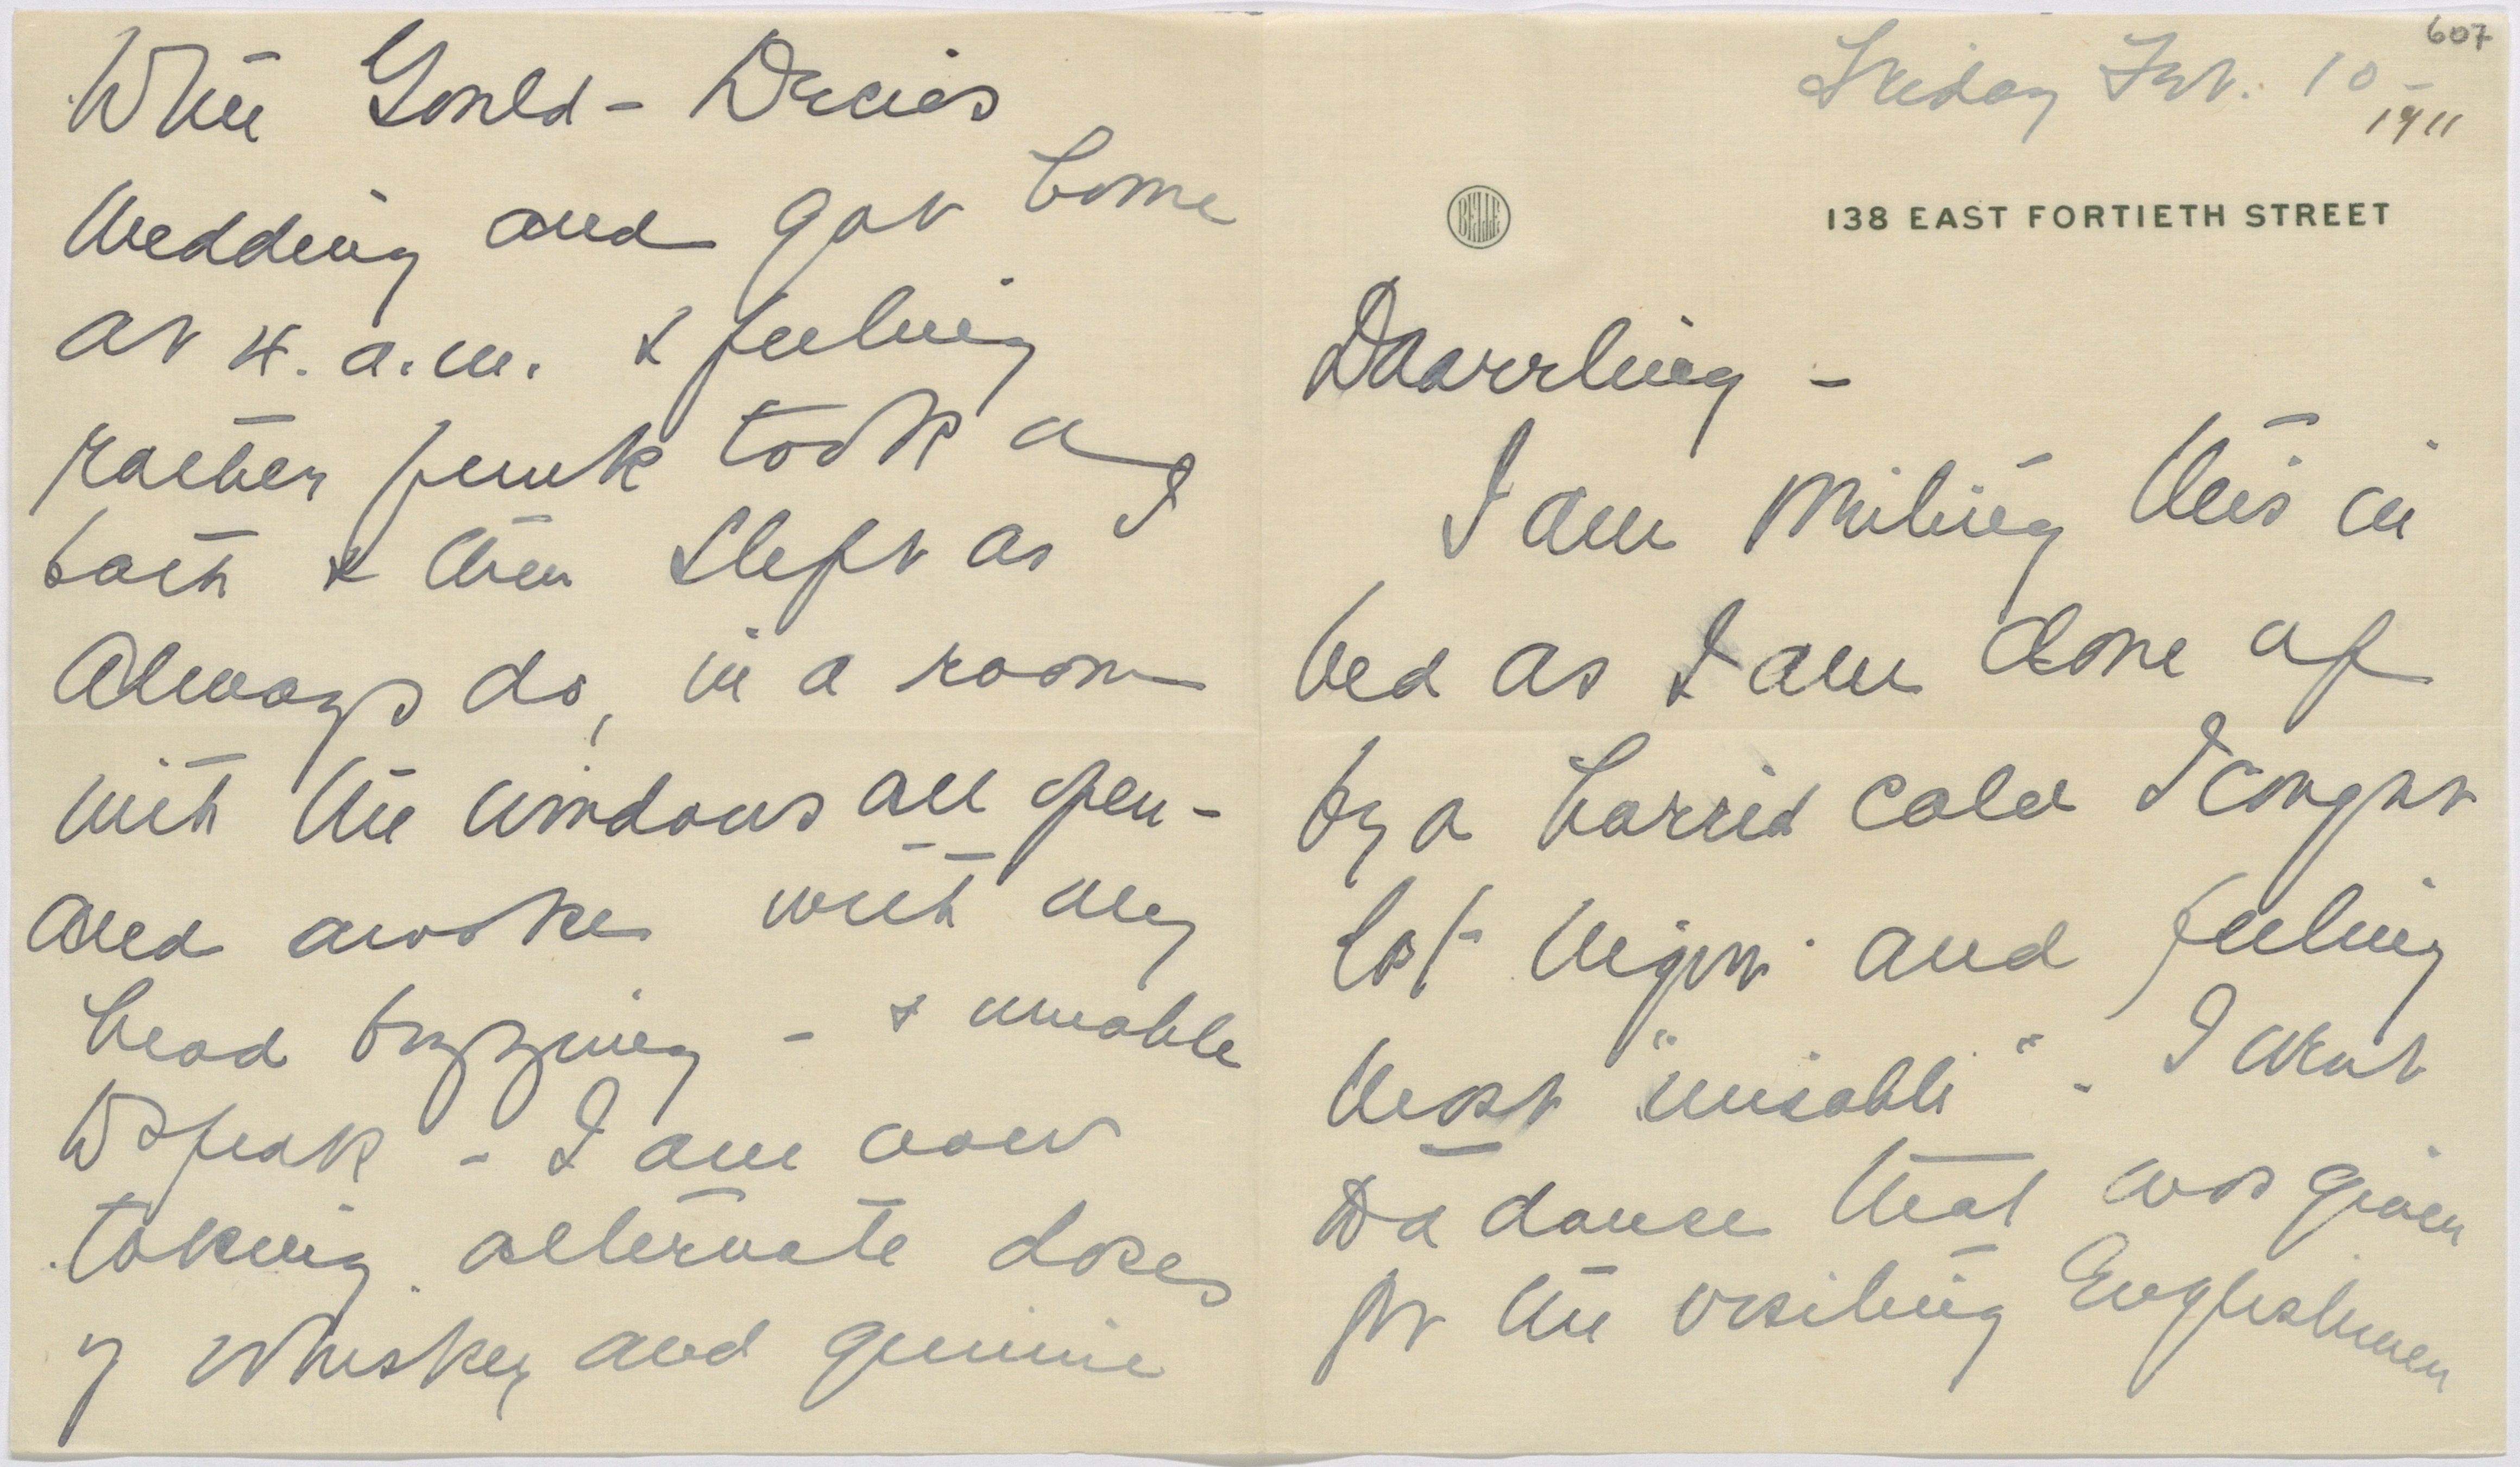Friday Feb. 10 –
Daarrling – I am writing this in bed as I am done up by a horrid cold I caught last night and feeling most “misable” – I went to a dance that was given for the visiting Englishmen
to the Gould-Decies Wedding and got home at 4 a.m. & feeling rather punk took a bath & then slept as I always do, in a room with the windows all open – and awoke with my head buzzing – & unable to speak – I am now taking alternate doses of whiskey and quinine